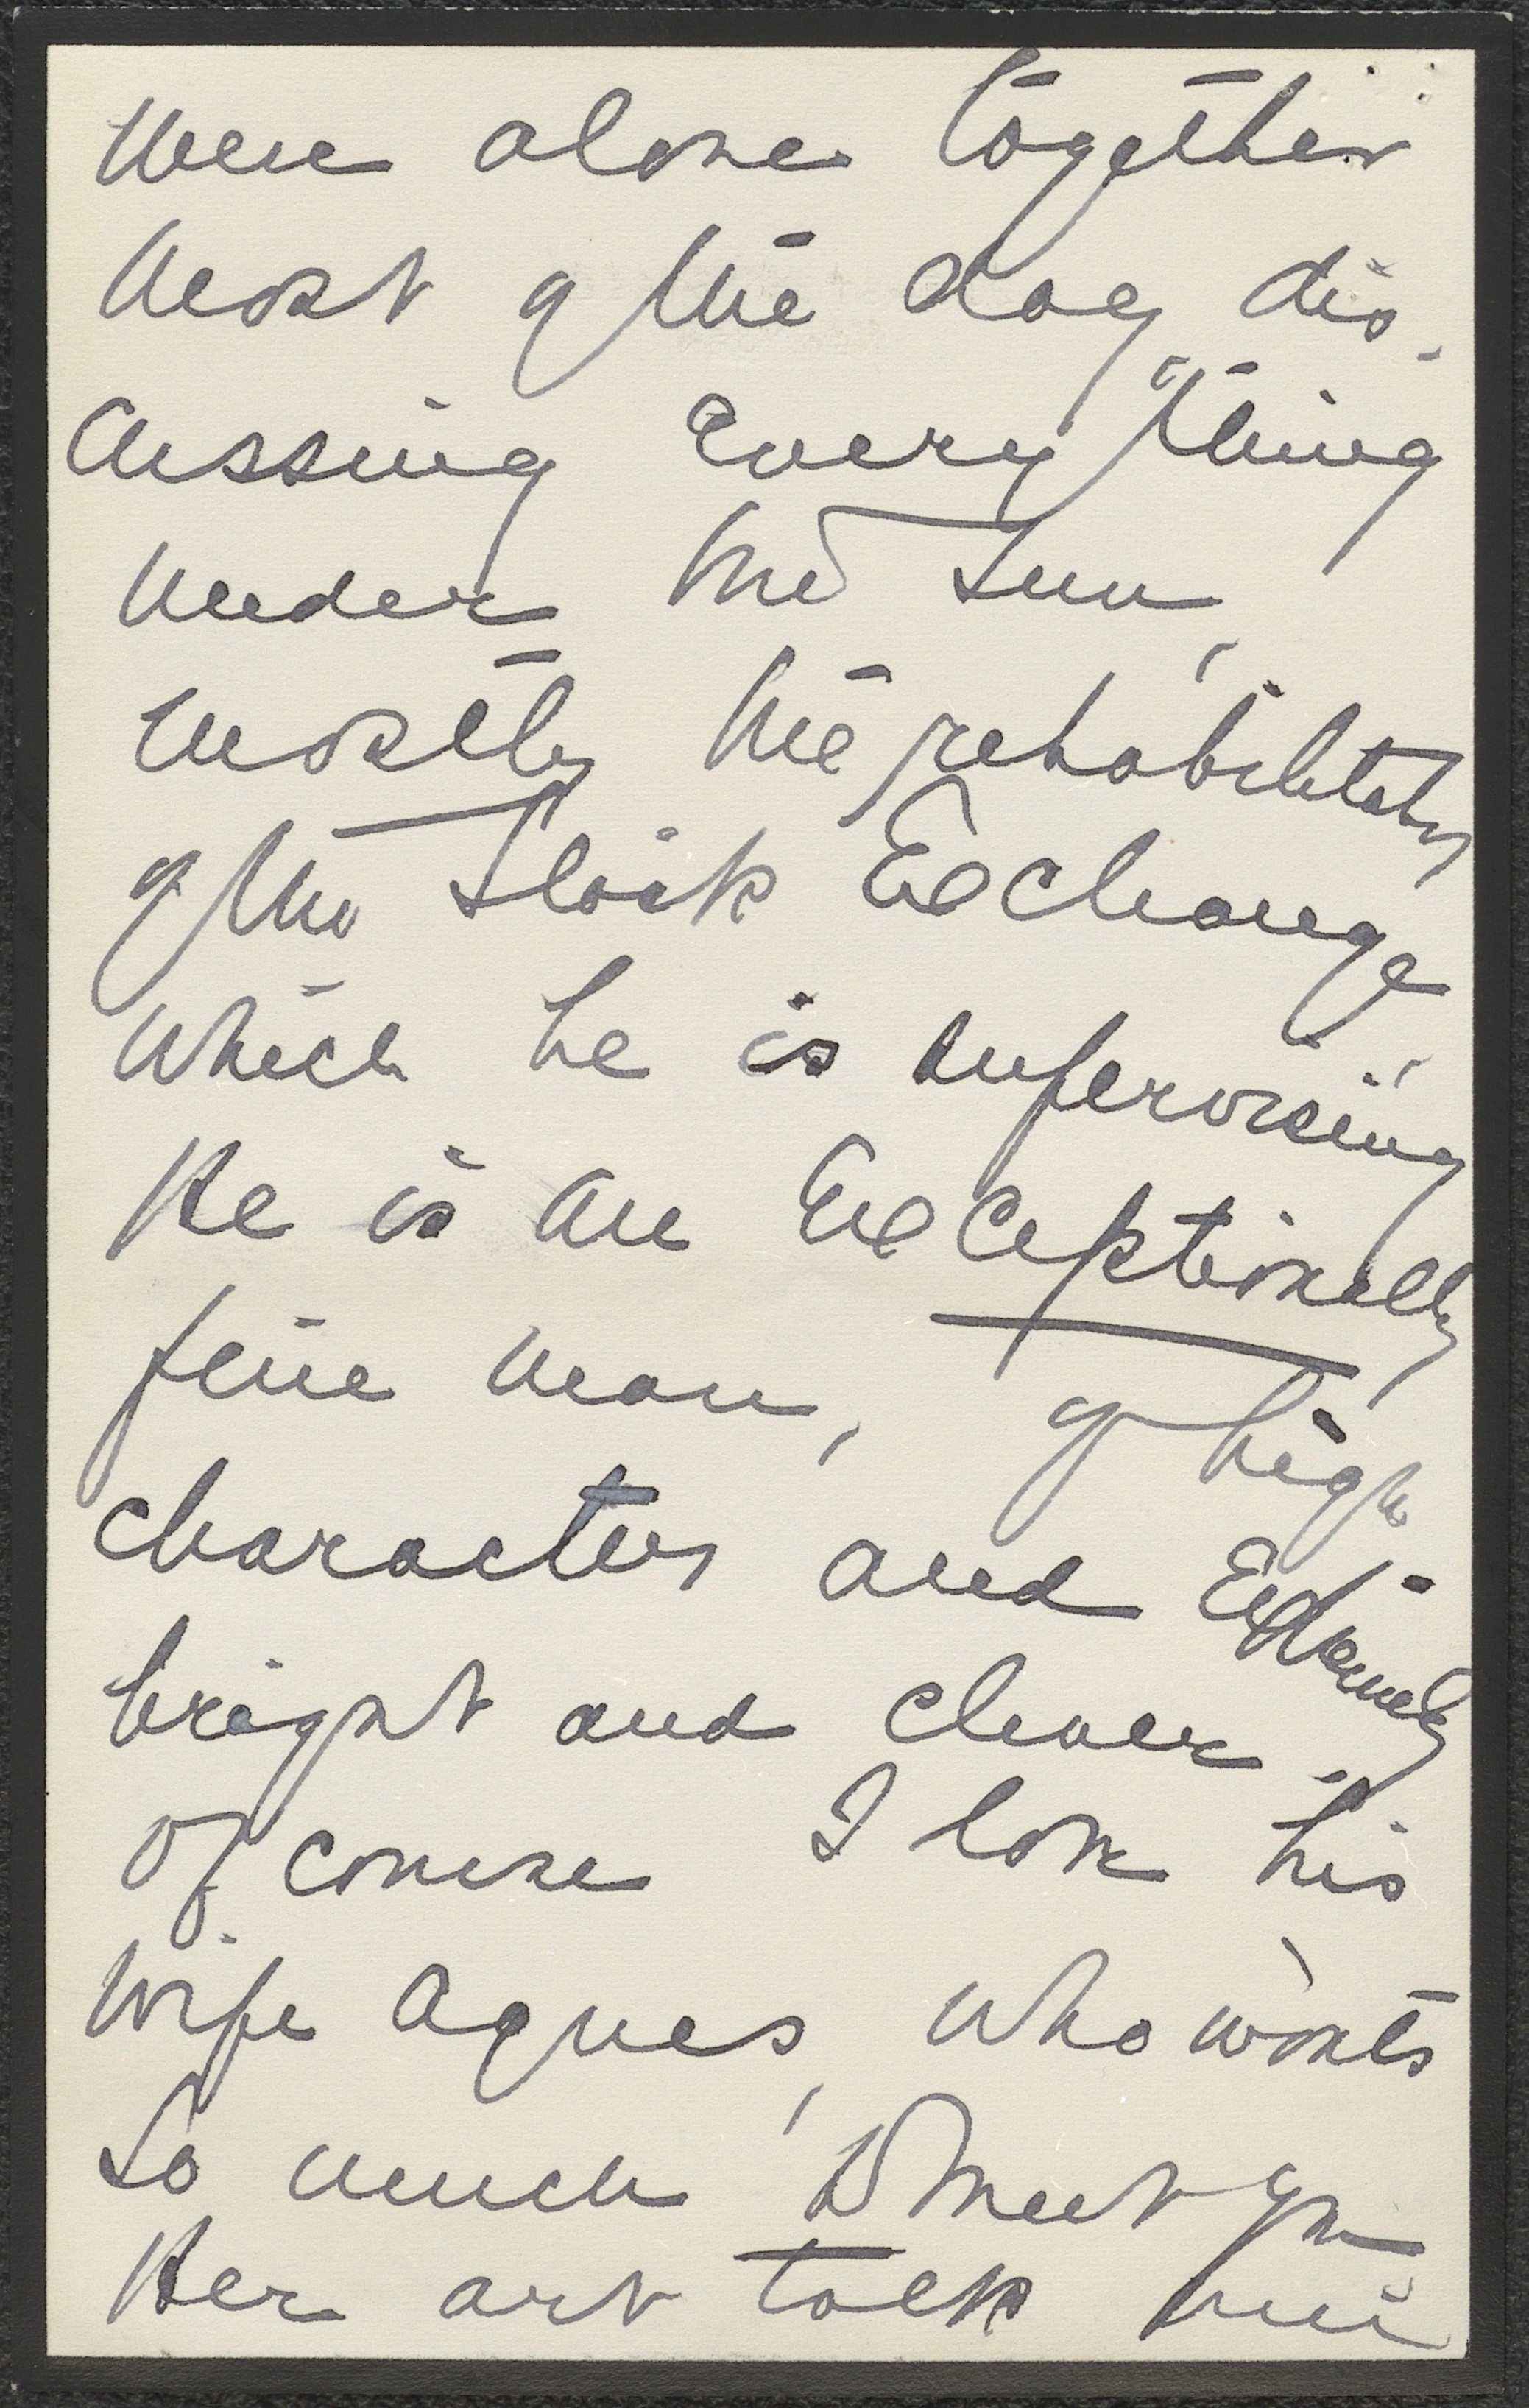were alone together most of the day, discussing every thing under the sun, mostly the rehabilitation of the Stock Exchange which he is supervising He is an exceptionally fine man, of high character and extremely bright and clever – Of course I love his wife Agnes, who wants so much to meet you – Her art talk will